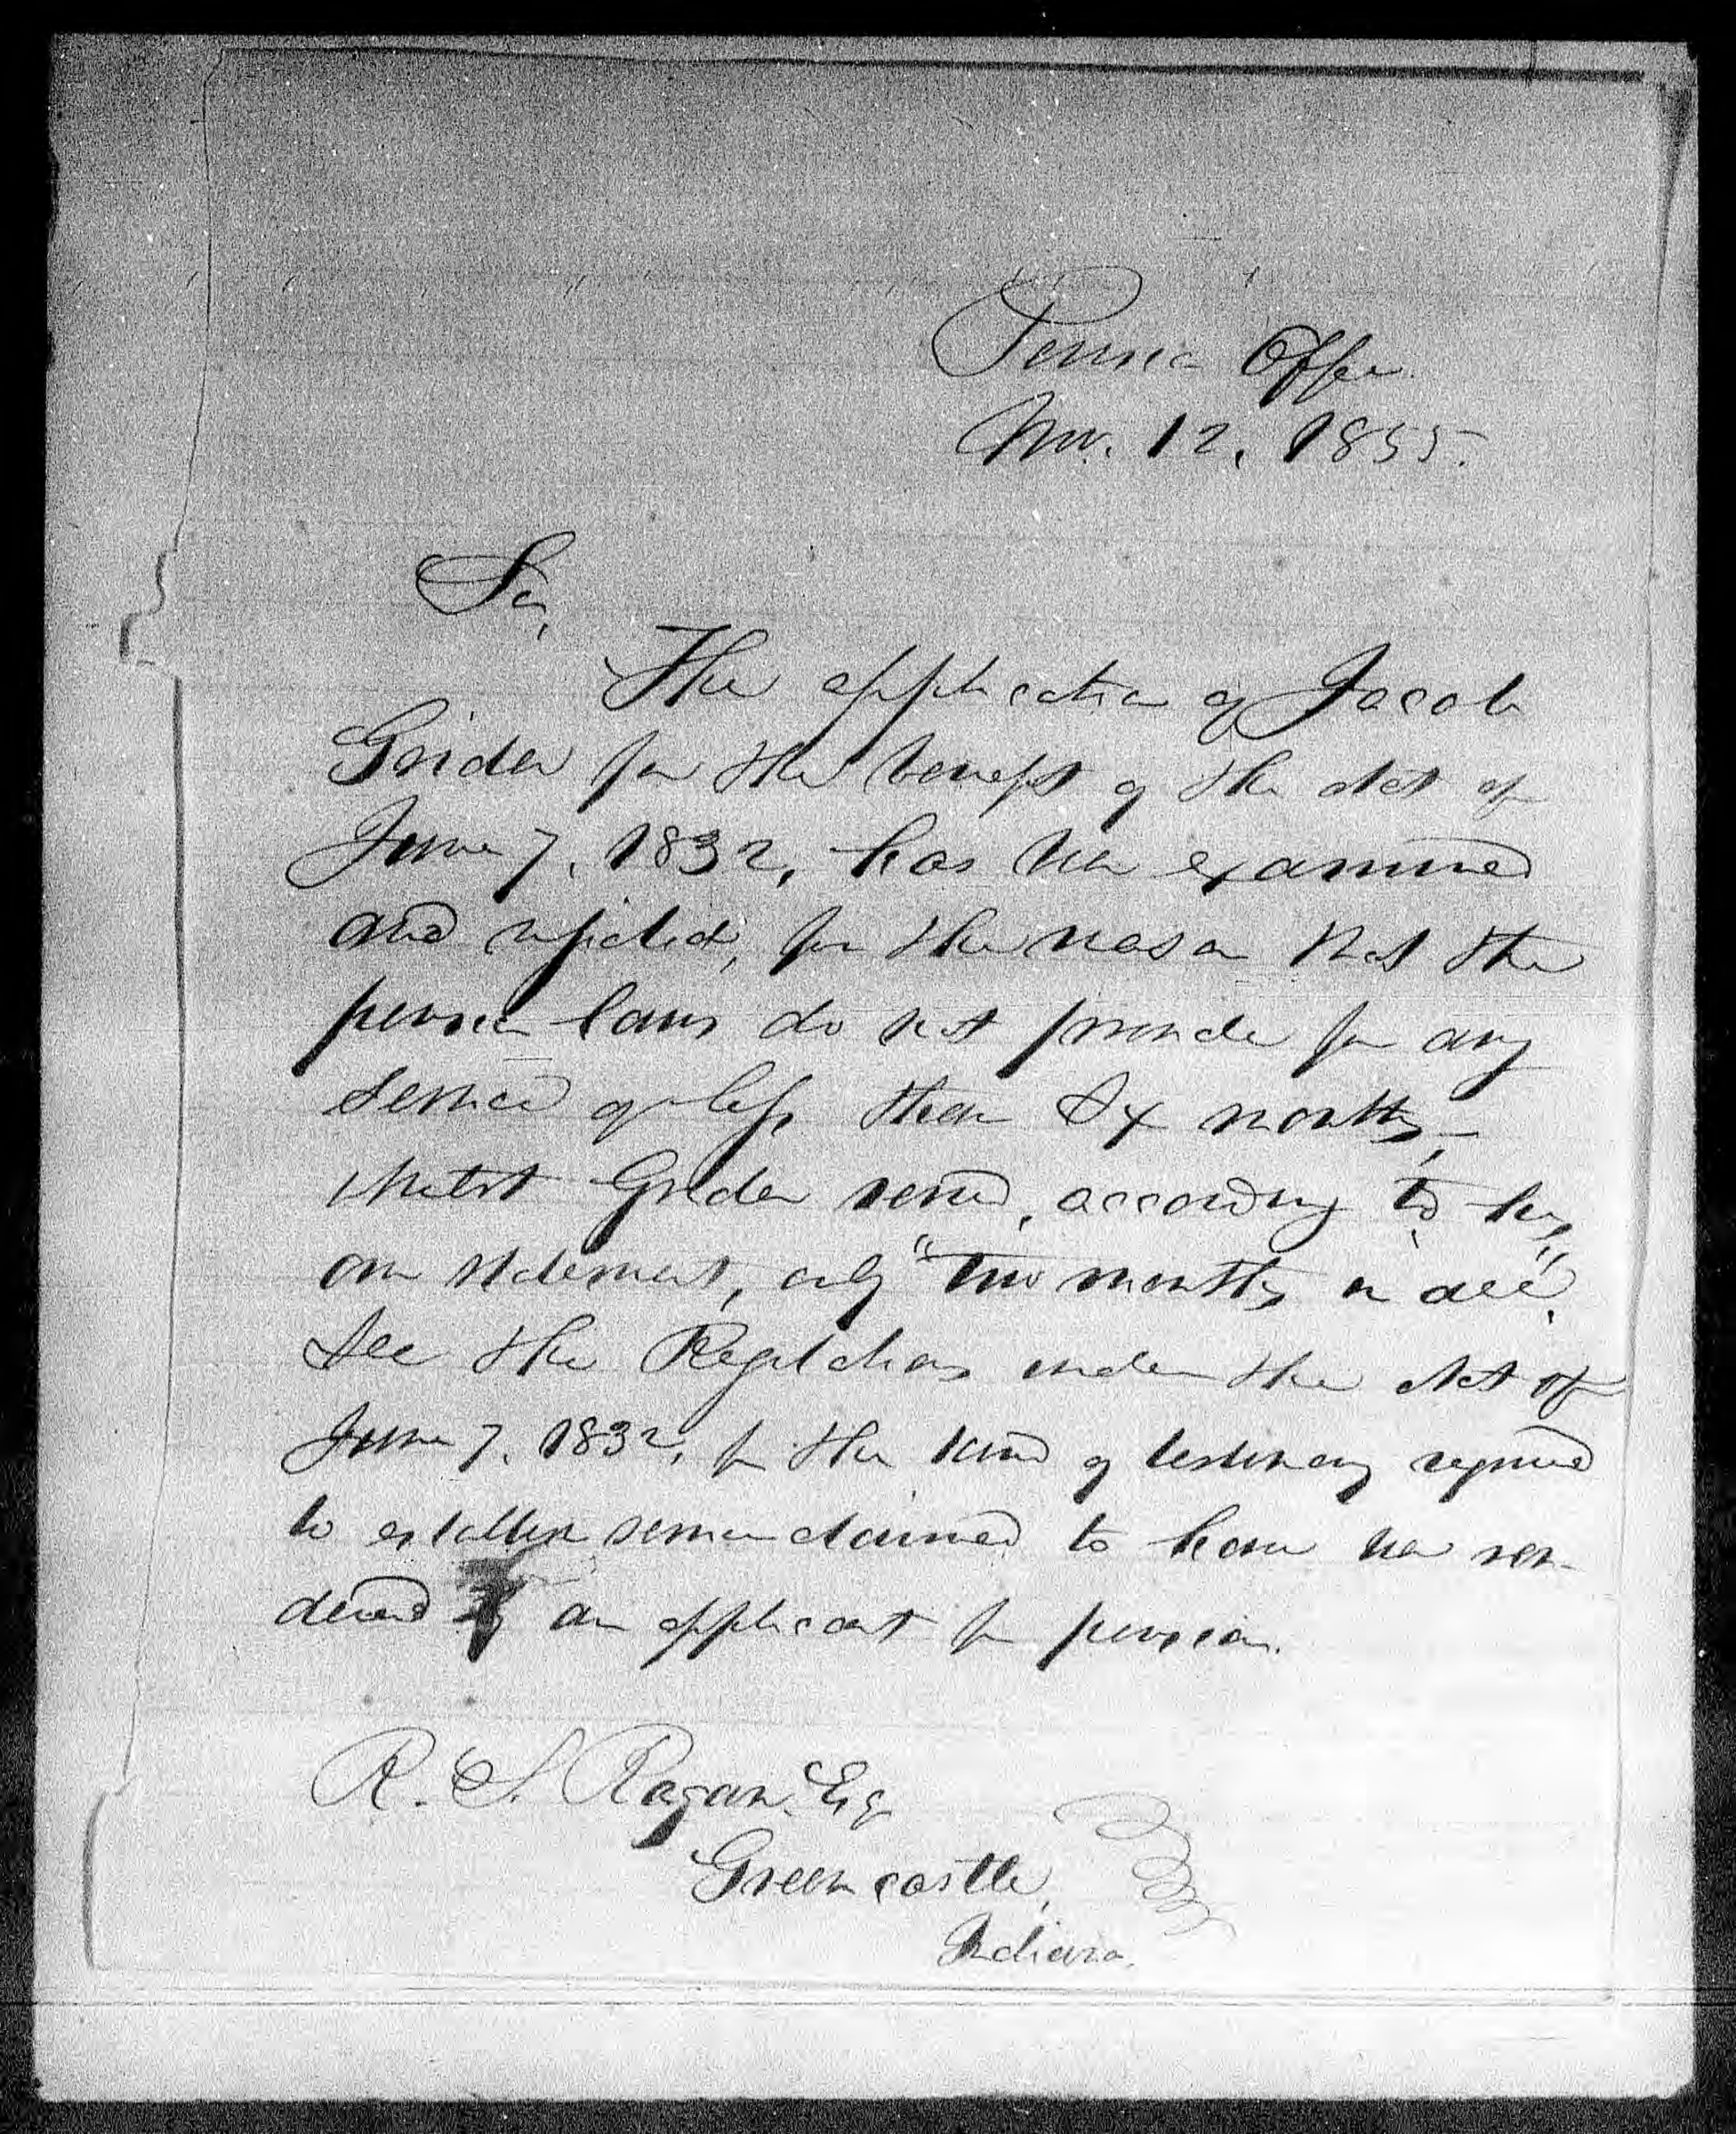Pension Office
Nov. 12, 1855.

Sir,
The application of Jacob Grider for the benefits of the Act of June 7, 1832, has been examined and rejected, for the [illegible] of the pension laws do not provide for any service of less than Six months,- [illegible] Grider served, according to his own statement, only "two months a dee". See the Regulations under the Act of June 7, 1832, of the kind of testimony required to establish service claimed to have been [illegible] for an applicant for pension.

R. S. Ragan, Esq
Greencastle, Indiana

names: Jacob Grider, Grider, R S Ragan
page: 7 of 10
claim: rejected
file: R. 4302, Jacob Grider, Va